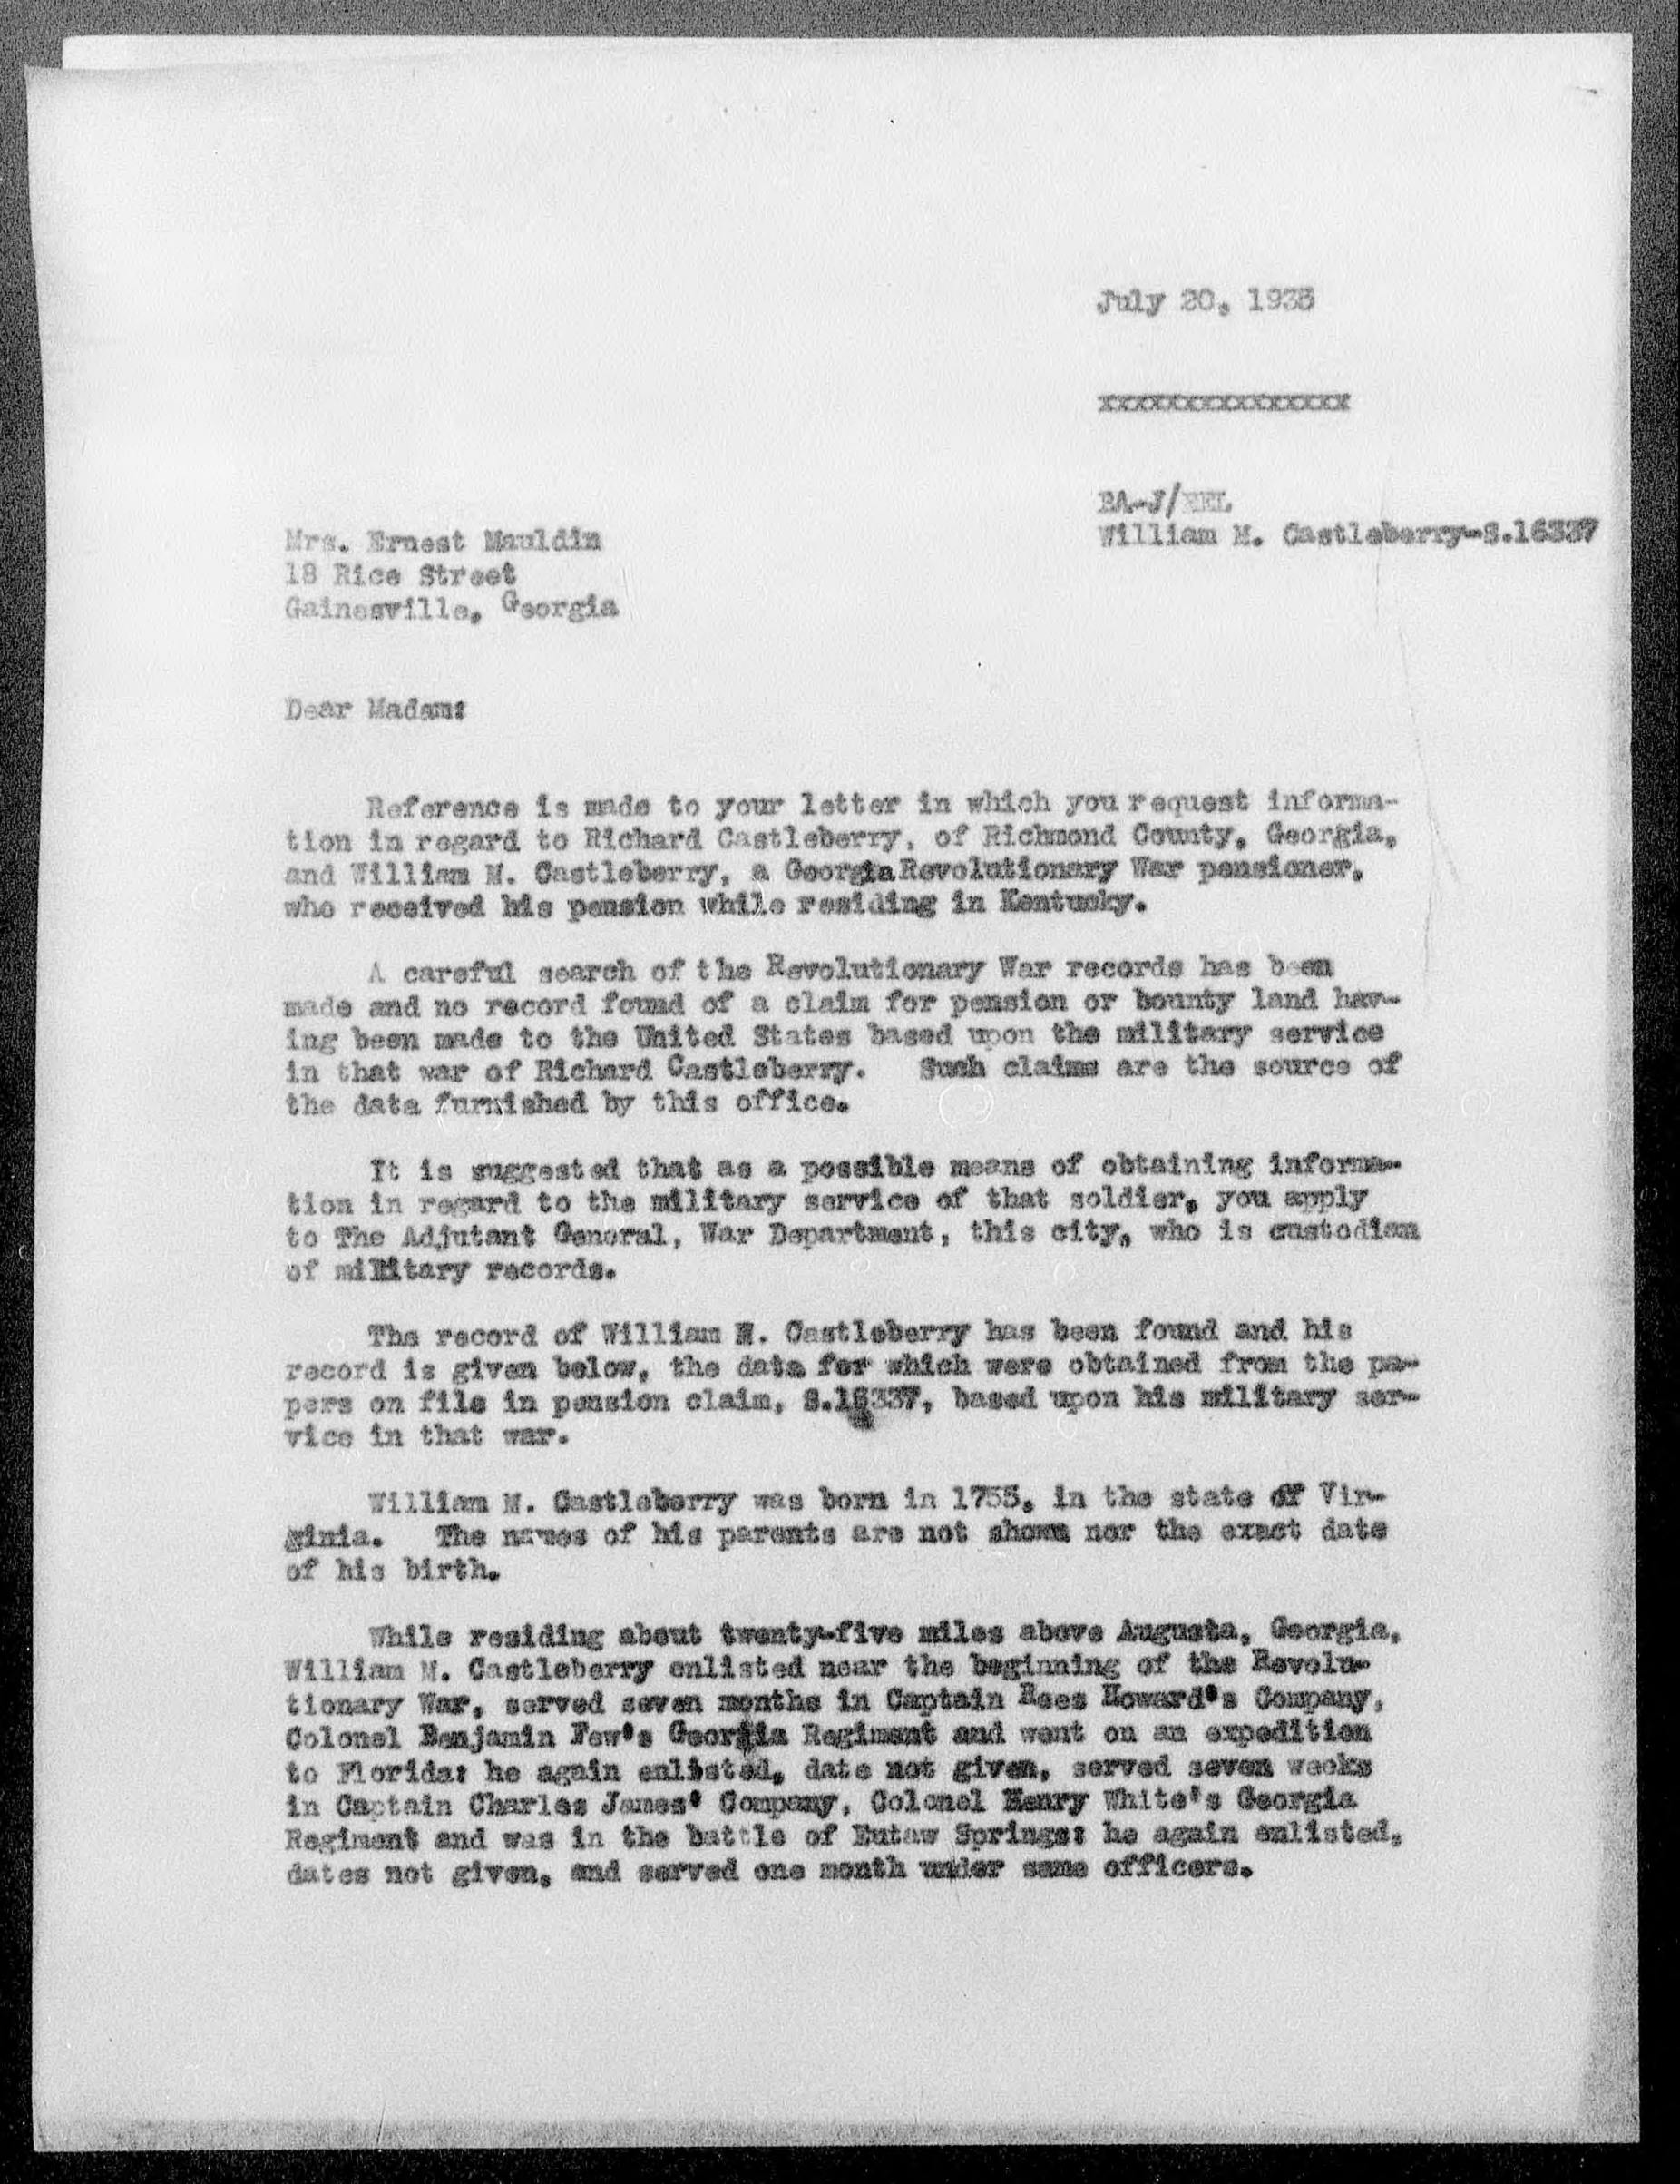July 20, 1933
xxxxxxxxxxxxxx
BA-J/EEL
William M. Castleberry-S.16337

Mrs. Ernest Mauldin
18 Rice Street
Gainesville, Georgia

Dear Madam:

Reference is made to your letter in which you request information in regard to Richard Castleberry, of Richmond County, Georgia,
and William M. Castleberry, a Georgia Revolutionary War pensioner, who received his pension while residing in Kentucky.
A careful search of the Revolutionary War records has been made and no record found of a claim for pension or bounty land having been made to the United States based upon the military service in that war of Richard Castleberry. Such claims are the source of
the data furnished by this office
It is suggested that as a possible means of obtaining information in regard to the military service of that soldier, you apply to The Adjutant General, War Department, this city, who is custodian of military records.
The record of William M. Castleberry has been found and his record is given below, the data for which were obtained from the papers on file in pension claim, S.16337, based upon his military service in that war.
William M. Castleberry was born in 1755, in the state of Virginia. The names of his parents are not shown nor the exact date of his birth.
While residing about twenty-five miles above Augusta, Georgia, William M. Castleberry enlisted near the beginning of the Revolutionary War, served seven months in Captain Rees Howard's Company, Colonel Benjamin Few's Georgia Regiment and went on an expedition to Florida; he again enlisted, date not given, served seven weeks in Captain Charles James' Company, Colonel Henry White's Georgia Regiment and was in the battle of Eutaw Springs; he again enlisted,
dates not given, and served one month under same officers.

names: Richard Castleberry, William M Castleberry, William M Castleberry, William M Castleberry, Ernest Mauldin, William M Castleberry, William M Castleberry, Richard Castleberry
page: 17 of 20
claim: survivor's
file: S. 16,337, William M Castleberry, Ga.